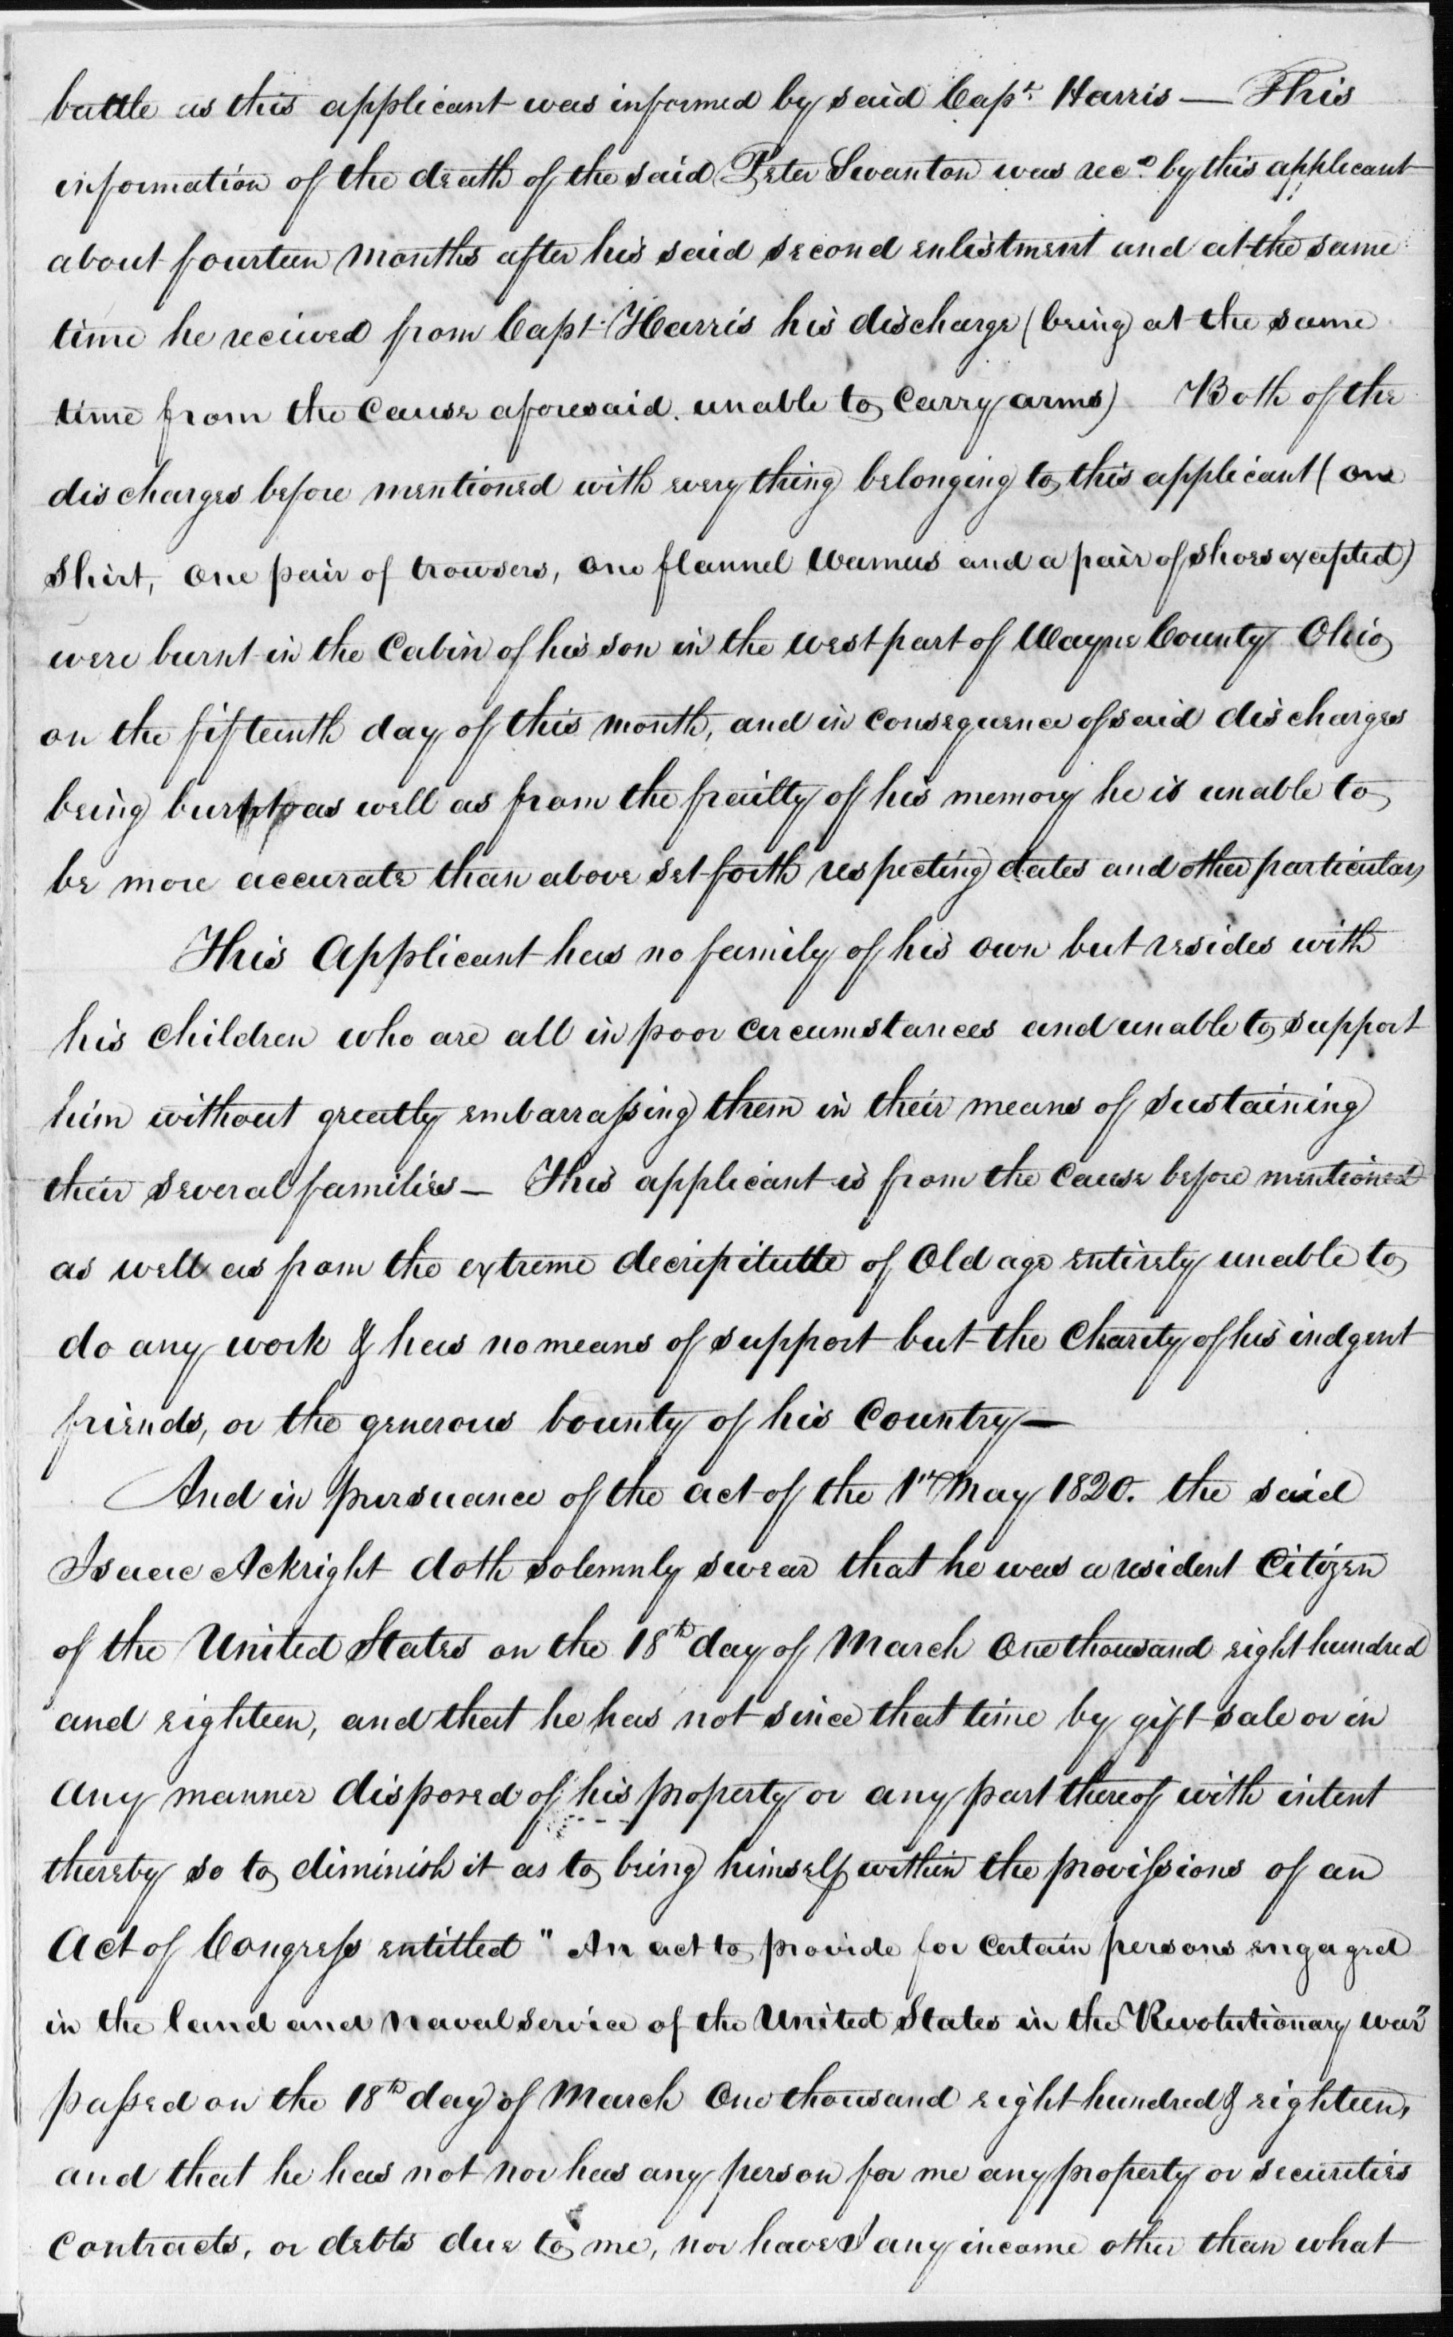battle as this applicant was informed by said Capt. Harris--This information of the death of the said Peter Swanton was recd. by this applicant about fourteen months after his said second enlistment and at the same time he received from Capt. Harris his discharge (being at the same time from the cause aforesaid unable to carry arms) Both of the discharges before mentioned with everything belonging to this applicant (one shirt, one pair of trowsers, one flannel warmer and a pair of shoes excepted) were burnt in the cabin of his son in the west part of Wayne County Ohio on the fifteenth day of this month, and in consequence of said discharges being burnt as well as from the frailty of his memory he is unable to be more accurate than above set forth respecting dates and other particulars.
This Applicant has no family of his own but resides with his children who are all in poor circumstances and unable to support him without greatly embarrassing them in their means of sustaining their Several families--This applicant is from the cause before mentioned as well as from the extreme decripitude of Old age entirely unable to do any work & has no means of support but the Charity of his indgent friends, or the generous bounty of his Country--
And in pursuence of the act of the 1" May 1820. the said Isaac Ackright doth solemnly Swear that he was a resident Citizen of the United States on the 18th day of March One thousand eight-hundred and eighteen, and that he has not since that time by gift sale or in any manner disposed of his property or any part thereof with intent thereby so to diminish it as to bring himself within the provissions of an Act of Congress entitled "An act to provide for Certain persons engaged in the land and naval Service of the United States in the Revolutionary war" passed on the 18th day of March One thousand eight hundred & eighteen, and that he has not nor has any person for me any property or securities Contracts, or debts due to me, nor have I any income other than what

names: Harris, Peter Swanton, Harris, Isaac Ackright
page: 7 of 15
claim: rejected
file: R. 22, Isaac Ackright, Md.